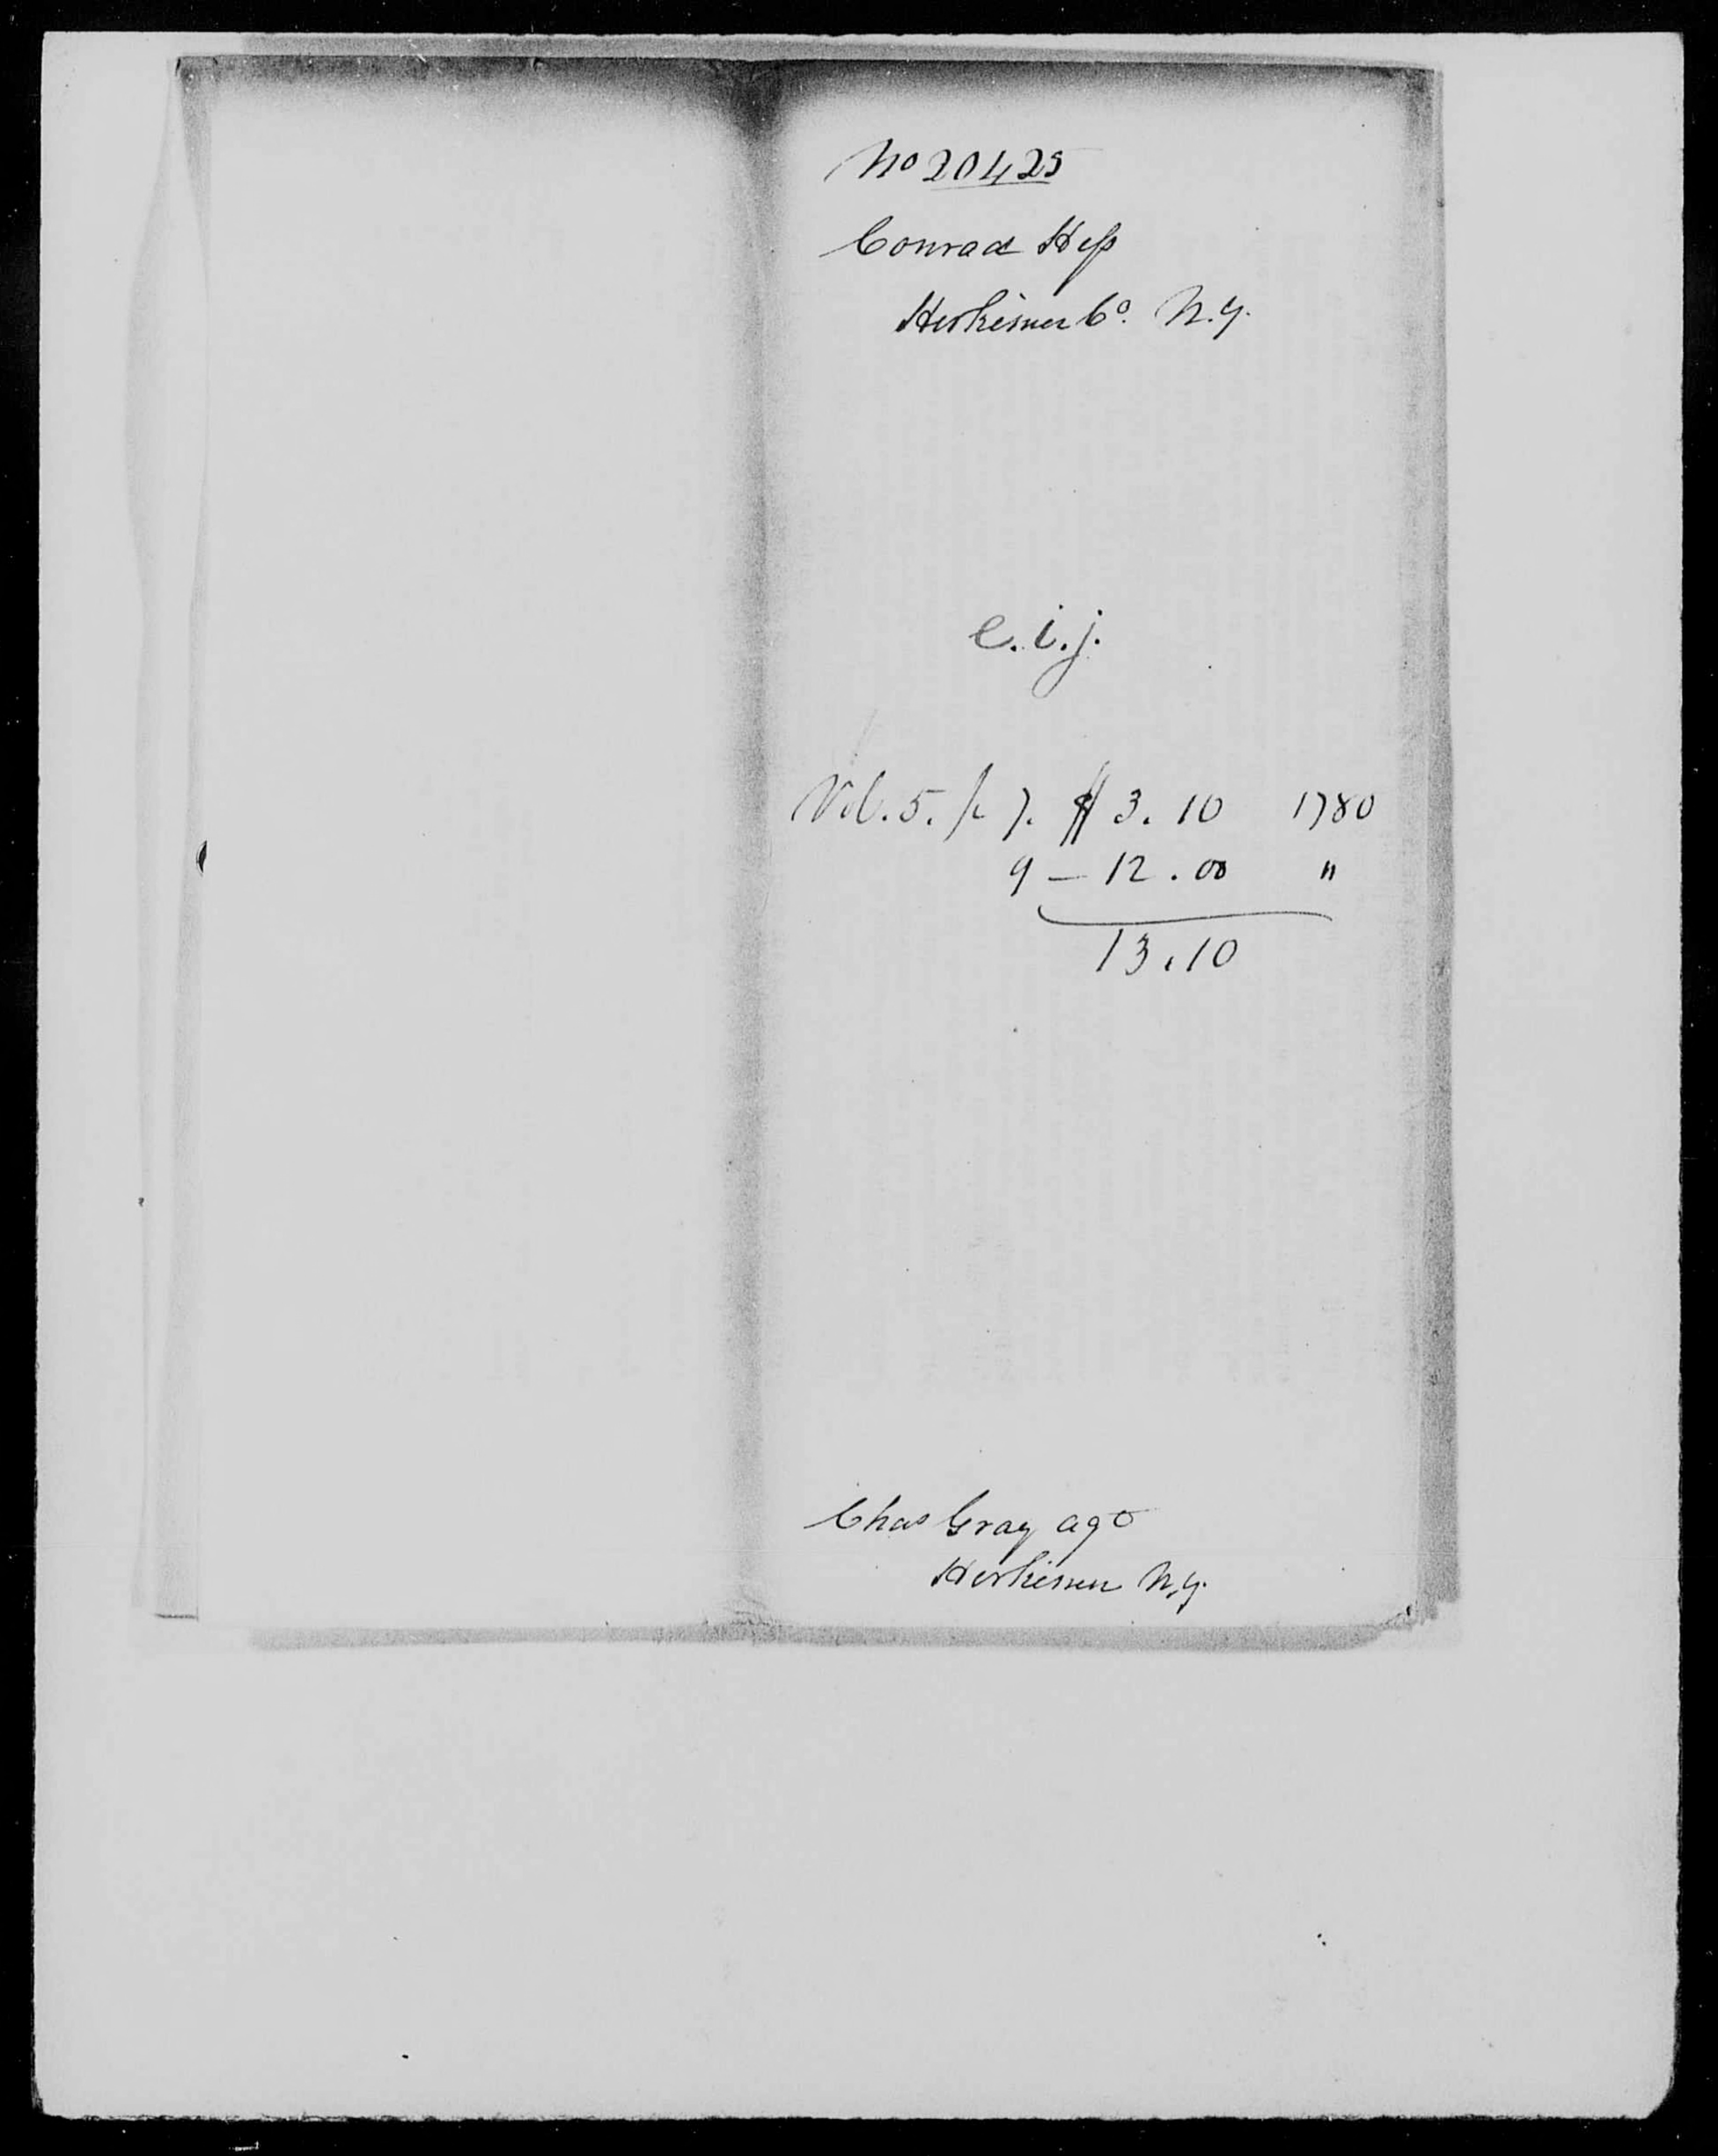[handwritten]

No 20425 [underlined]
Conrad Hess
Herkimer Co. N.Y.

e.i.j.

Vol. 5. p 7. $ 3.10   1780
9 - 12.00   " [underlined]
13.10

Chas Gray ago
Herkimer N.Y.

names: Chas Gray, Conrad Hess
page: 13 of 30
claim: rejected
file: R. 4927, Conrad Hess, New York